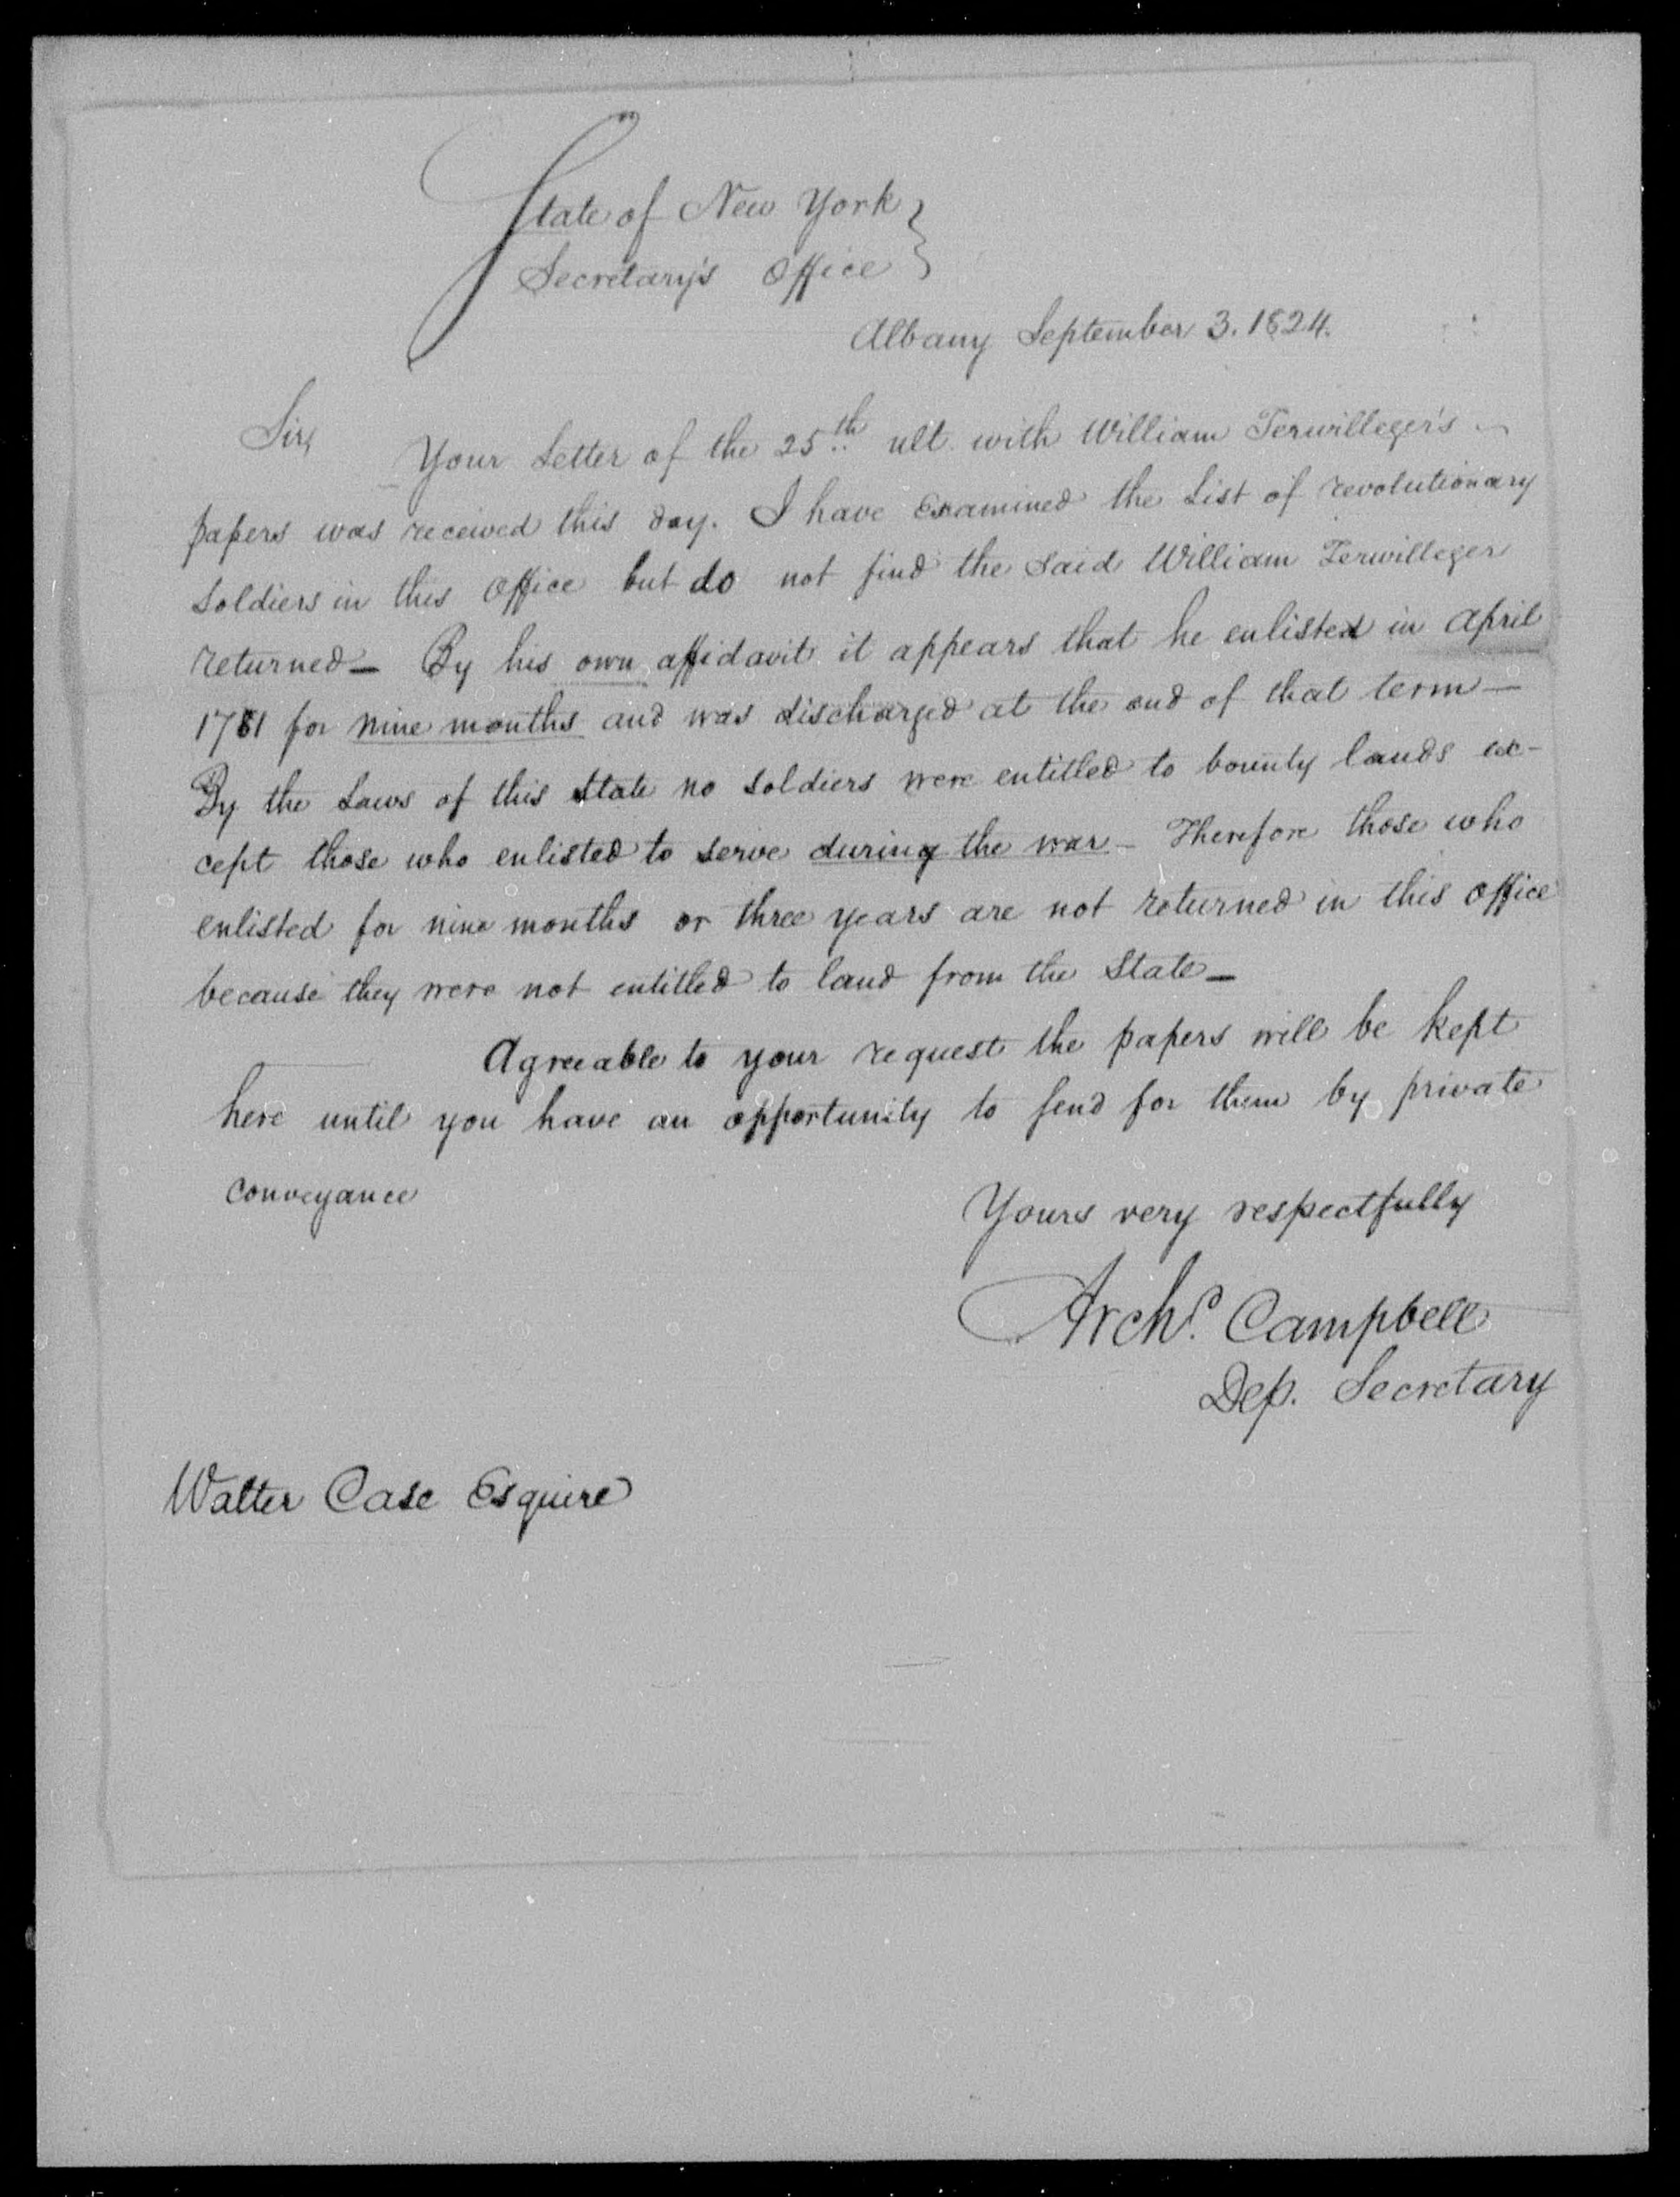State of New York
Secretary's Office
Albany September 3. 1824.
Sir   Your letter of the 25th ult with William Terwilliger's-
papers was received this day. I have examined the list of Revolutionary
soldiers in this Office but do not find the said William Terwilliger
returned by his own affidavit it appears that he enlisted in April
1781 for nine months and was discharged at the end of that term
By the Laws of this State no soldiers were entitled to bounty lands of
except those who enlisted to serve during the war. Therefore those who
enlisted for nine months or three years are not returned in this office
because they were not entitled to land from the State-
Agreeable to your request the papers will be kept
here until you have an opportunity to send for them by private
Conveyance
Yours very respectfully

Walter Case Esquire
Arch Campbell
Dep. Secretary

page: 43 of 64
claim: survivor's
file: S. 42,464, for William Terwilliger, New York